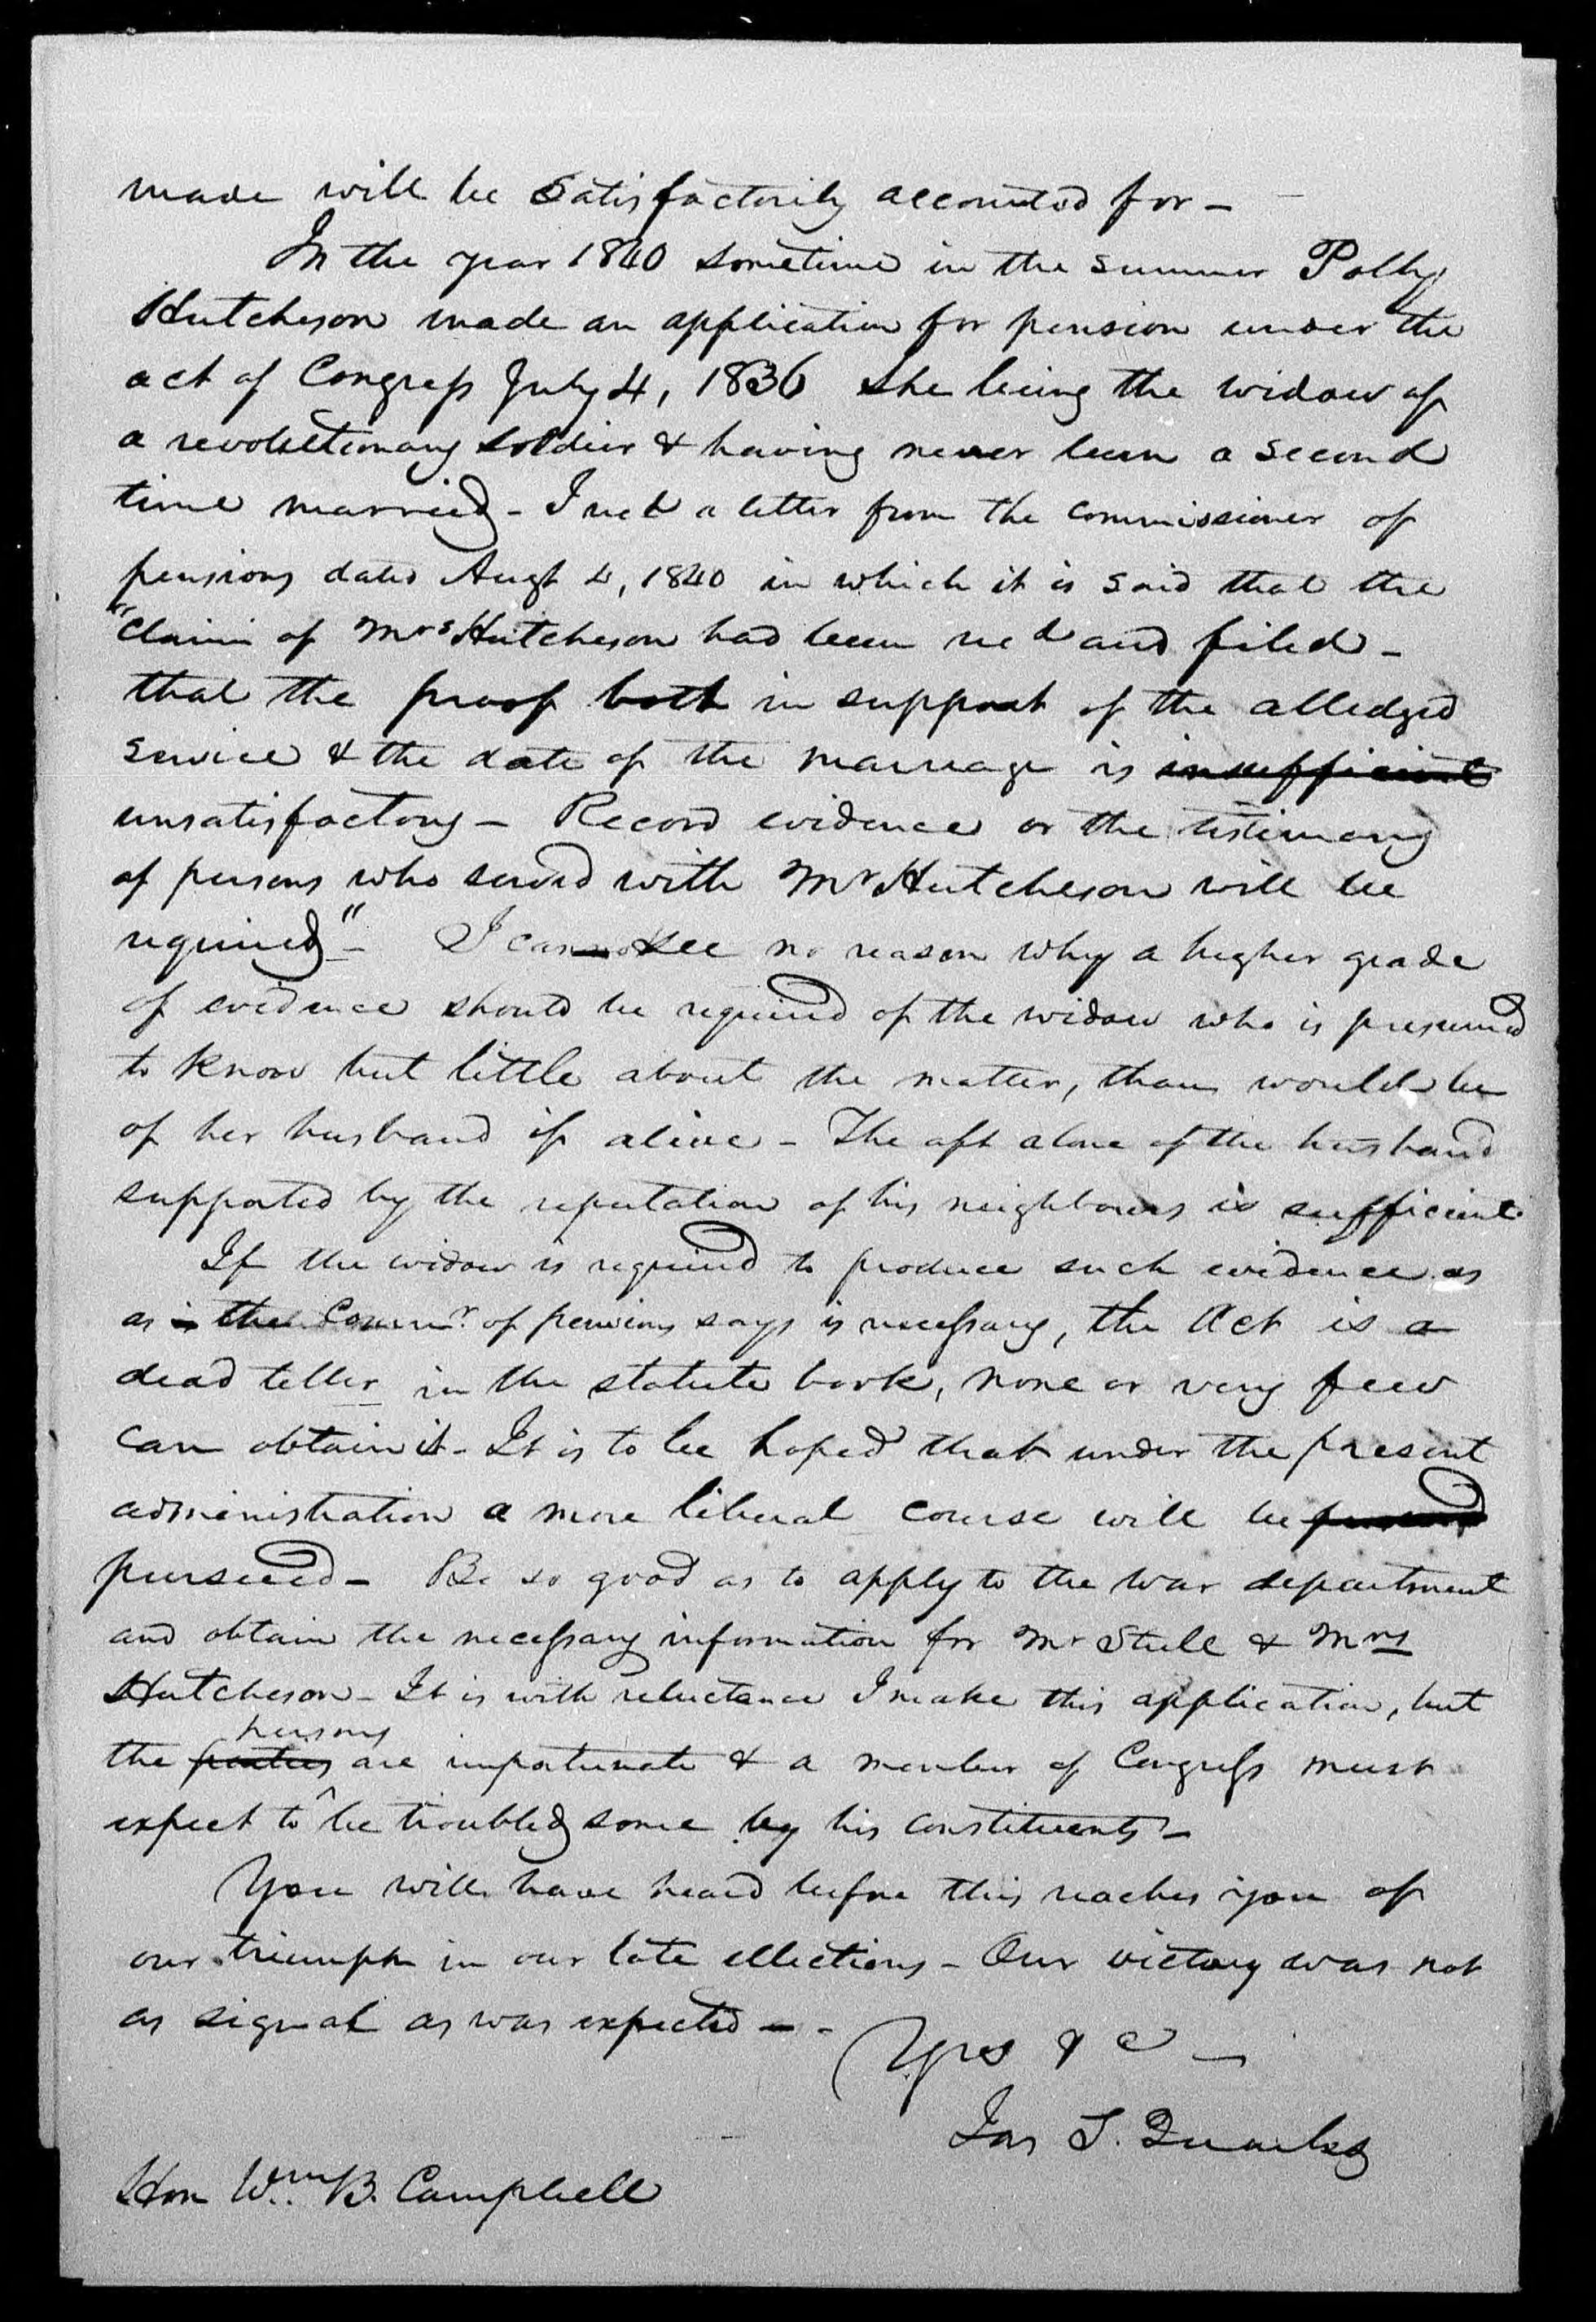made will be satisfactorily accounted for.

In the year 1840 sometime in the summer Polly Hutchison made an application for pension under the act of Congress July 4, 1836. She being the widow of a revolutionary soldier & having never been a second time married. I need a letter from the commissioner of pensions dated Augt [August] 4, 1840 in which it is said that the claim of Mrs. Hutcheson [Hutchison] had been red [read] and filed - that the proof both in support of the alledged [alleged] service & the date of the marriage is [crossed out insufficient] unsatisfactory - Record evidence of the testimony of persons who served with Mr. Hutchison will be required”. I can see no reason why a higher grade of evidence should be required of the widow who is presumed to know but little about the matter, than would be of her husband if alive - The [Illegible] alone of the husband supported by the reputation of his neighbors is sufficient. 

If the widow is required to produce such evidence as the Commr [Commissioner] of Pensions says is necessary, the Act is a dead teller in the statute book, none or very few can obtain it. It is to be hoped that under the present administration a more liberal course will be pursued- Be so good as to apply to the war department and obtain the necessary information for Mr. Stull & Mrs. Hutchison. It is with reluctance I make this application, but the [^ persons] are importunate & a member of Congress must expect to be troubled some by his constituents- 

You will have heard before this reaches you of our triumph in our late elections. Our victory was not as signal as was expected –

Yrs & o
Jas T. Quarles 
Hon Wm. B. Campbell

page: 18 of 19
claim: rejected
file: R. 5442, for Samuel Hutchison, Virginia